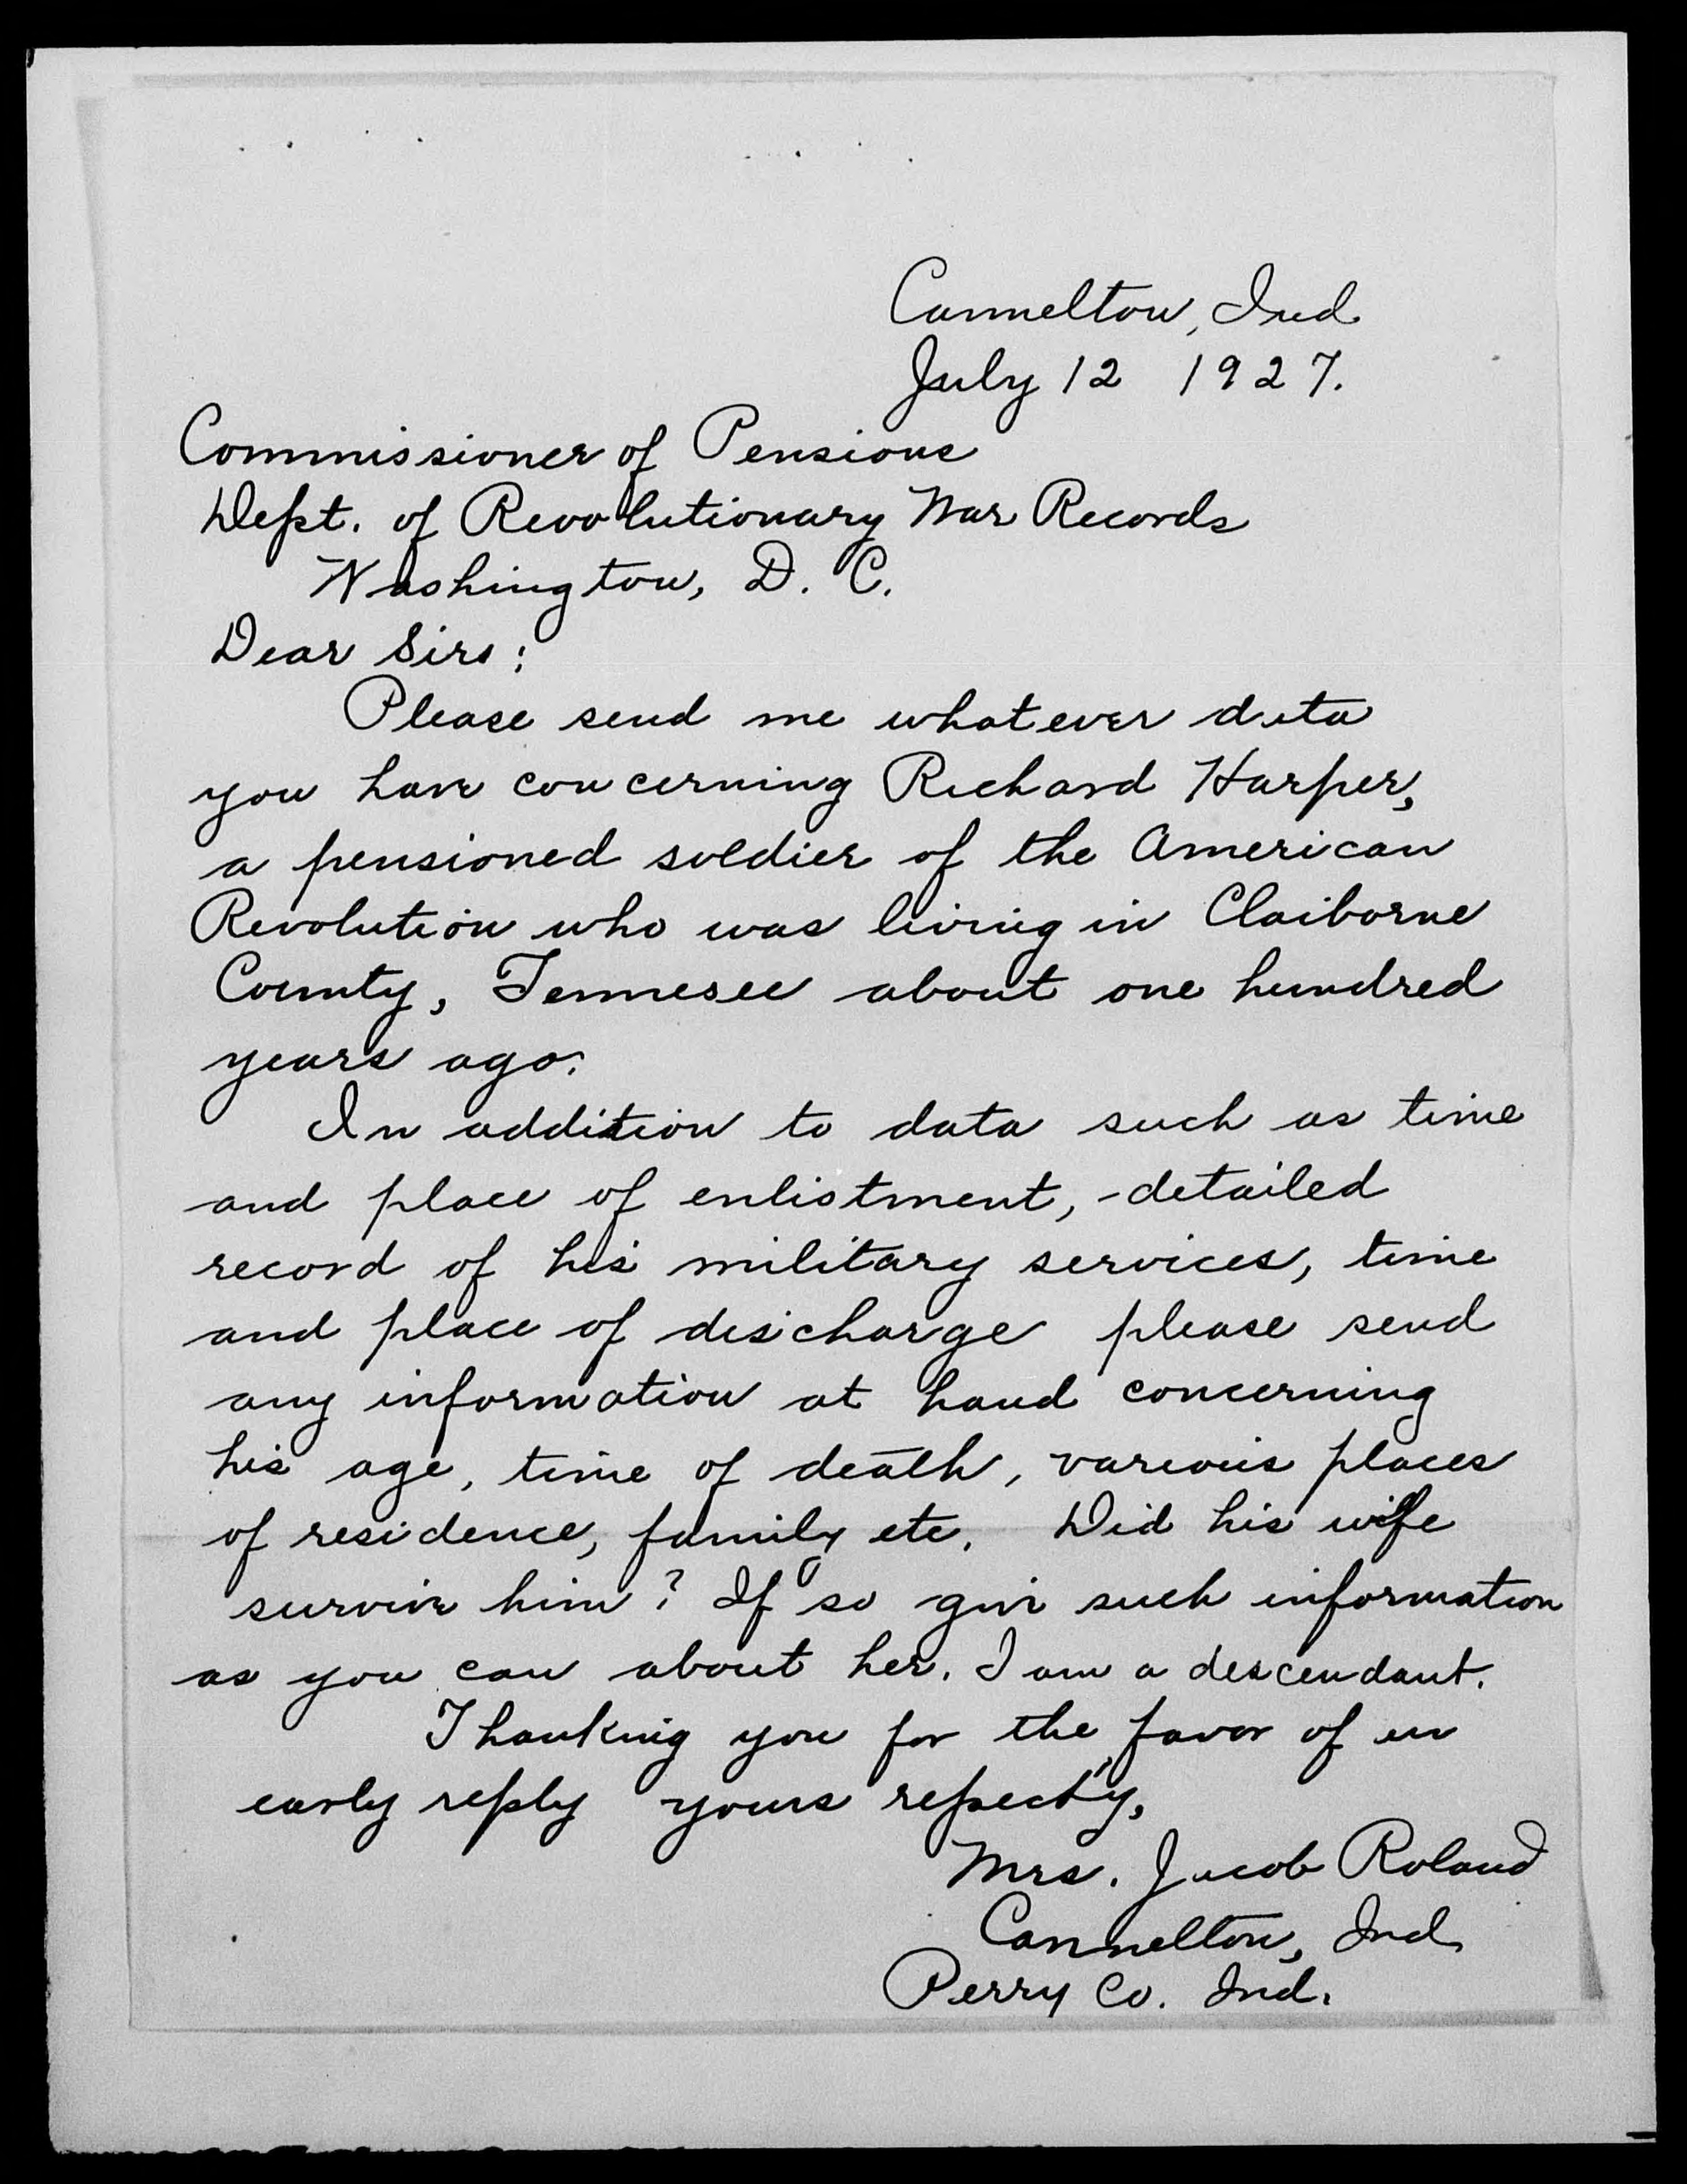Cannelton, Ind
July 12 1927

Commissioner of Pensions
Dept. of Revolutionary War Records
Washington, D.C.

Dear Sirs:

Please send me whatever data you have concerning Richard Harper, a pensioned soldier of the American Revolution who was living in Claiborne County, Tennesee about one hundred years ago.
In addition to data such as time and place of enlistment, -detailed record of his military services, time and place of discharge please send any information at hand concerning his age, time of death, various places of residence, family etc. Did his wife survive him? If so give such information as you can about her. I am a descendant.
Thanking you for the favor of an early reply yours respectly,
Mrs. Jacob Roland
Cannelton, Ind
Perry Co. Ind.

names: Richard Harper, Jacob Roland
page: 46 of 81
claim: survivor's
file: S. 1908, Richard Harper, N.C.